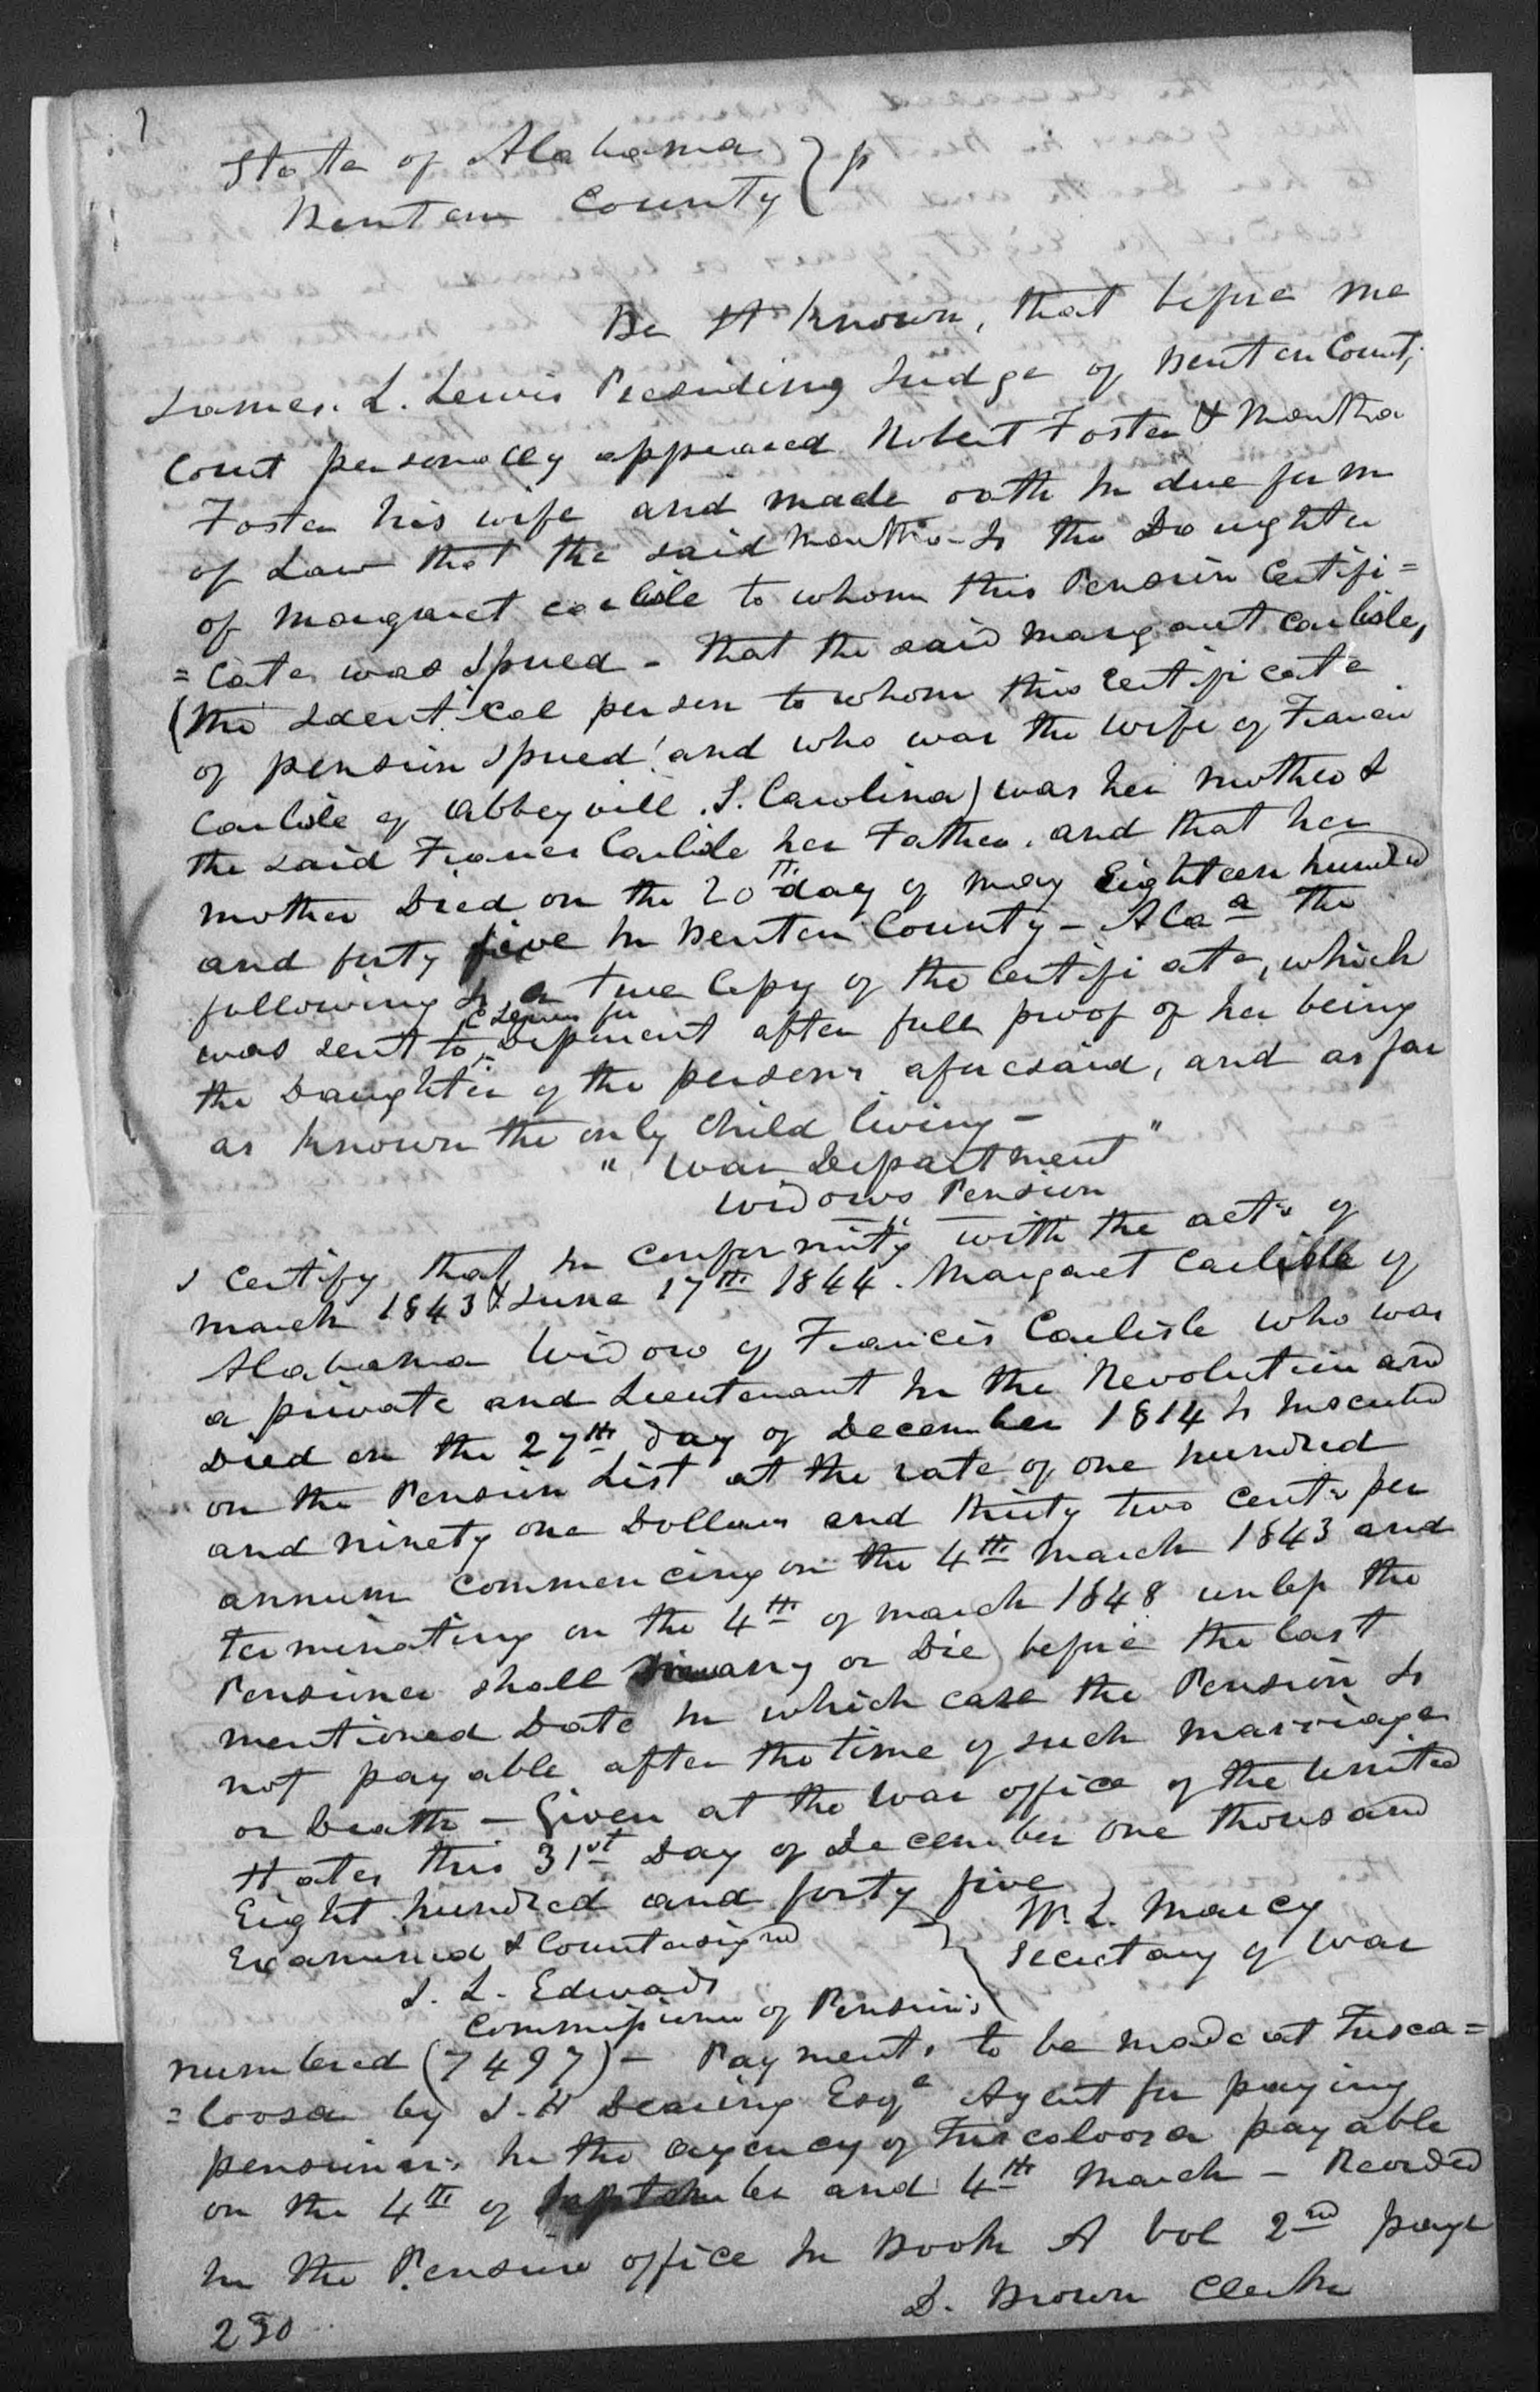State of Alabama
Benton County
Be it known, that before me James L. Lewis Presiding Judge of Benton County Court personally appeared Robert Foster & Martha Foster his wife and made oath in due form of Law that the said Martha is the Daughter of Margaret Carlisle to whom this Pension Certificate was expired-- that the said Margaret Carlisle, (the identical person to whom this certificate of pension expired and who was the wife of Francis Carlisle of Abbeyville S. Carolina) was her mother & the said Frances Carlisle her Father and that her mother died on the 20th day of May Eighteen hundred and forty five in Benton County, Ala the following is a true copy of the Certificate which was sent to C' Lewis for  deponent after full proof of her being the Daughter of the persons aforesaid, and as for as known the only child living-

War Department
Widows Pension

I certify, that in conformity with the act of March 1843 & June 17th 1844 Margaret Carlisle of Alabama Widow of Francis Carlisle who was a private and Lieutenant in the Revolution and died on the 27th day of December 1814 is Inscribed on the Pension list at the rate of one hundred
and ninety one Dollars and thirty two cents per annum commencing on the 4th March 1843 and
terminating on the 4th of March 1848 unless the pensioner shall remarry or die before the last
mentioned date in which case the Pension is not payable after the time of such marriage or death - 

Given at the war office of the United States this 31st day of December one thousand Eight hundred and forty five.
W.L. Marcy Secretary of War
Examined & countersigned
J. L. Edwards
Commissioner of Pensions

numbered (7497), payment, to be made at Tuscaloosa by J.H. Dearing Esq. Agent for paying
pensioner, in the agency of Tuscaloosa payable on the 4th of September and 4th March. Recorded
in the Pension office in Book A Vol 2nd Page 250
D. Brown Clerk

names: Francis Carlisle, Martha Foster, Margaret Carlisle, J H Dearing, Robert Foster, Francis Carlisle, J L Edwards, W L Marcy, D Brown, Margaret Carlisle, Francis Carlisle, Martha, Margaret Carlisle, James L Lewis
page: 10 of 91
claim: widow's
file: W. 10576, Francis Carlisle, S.C.